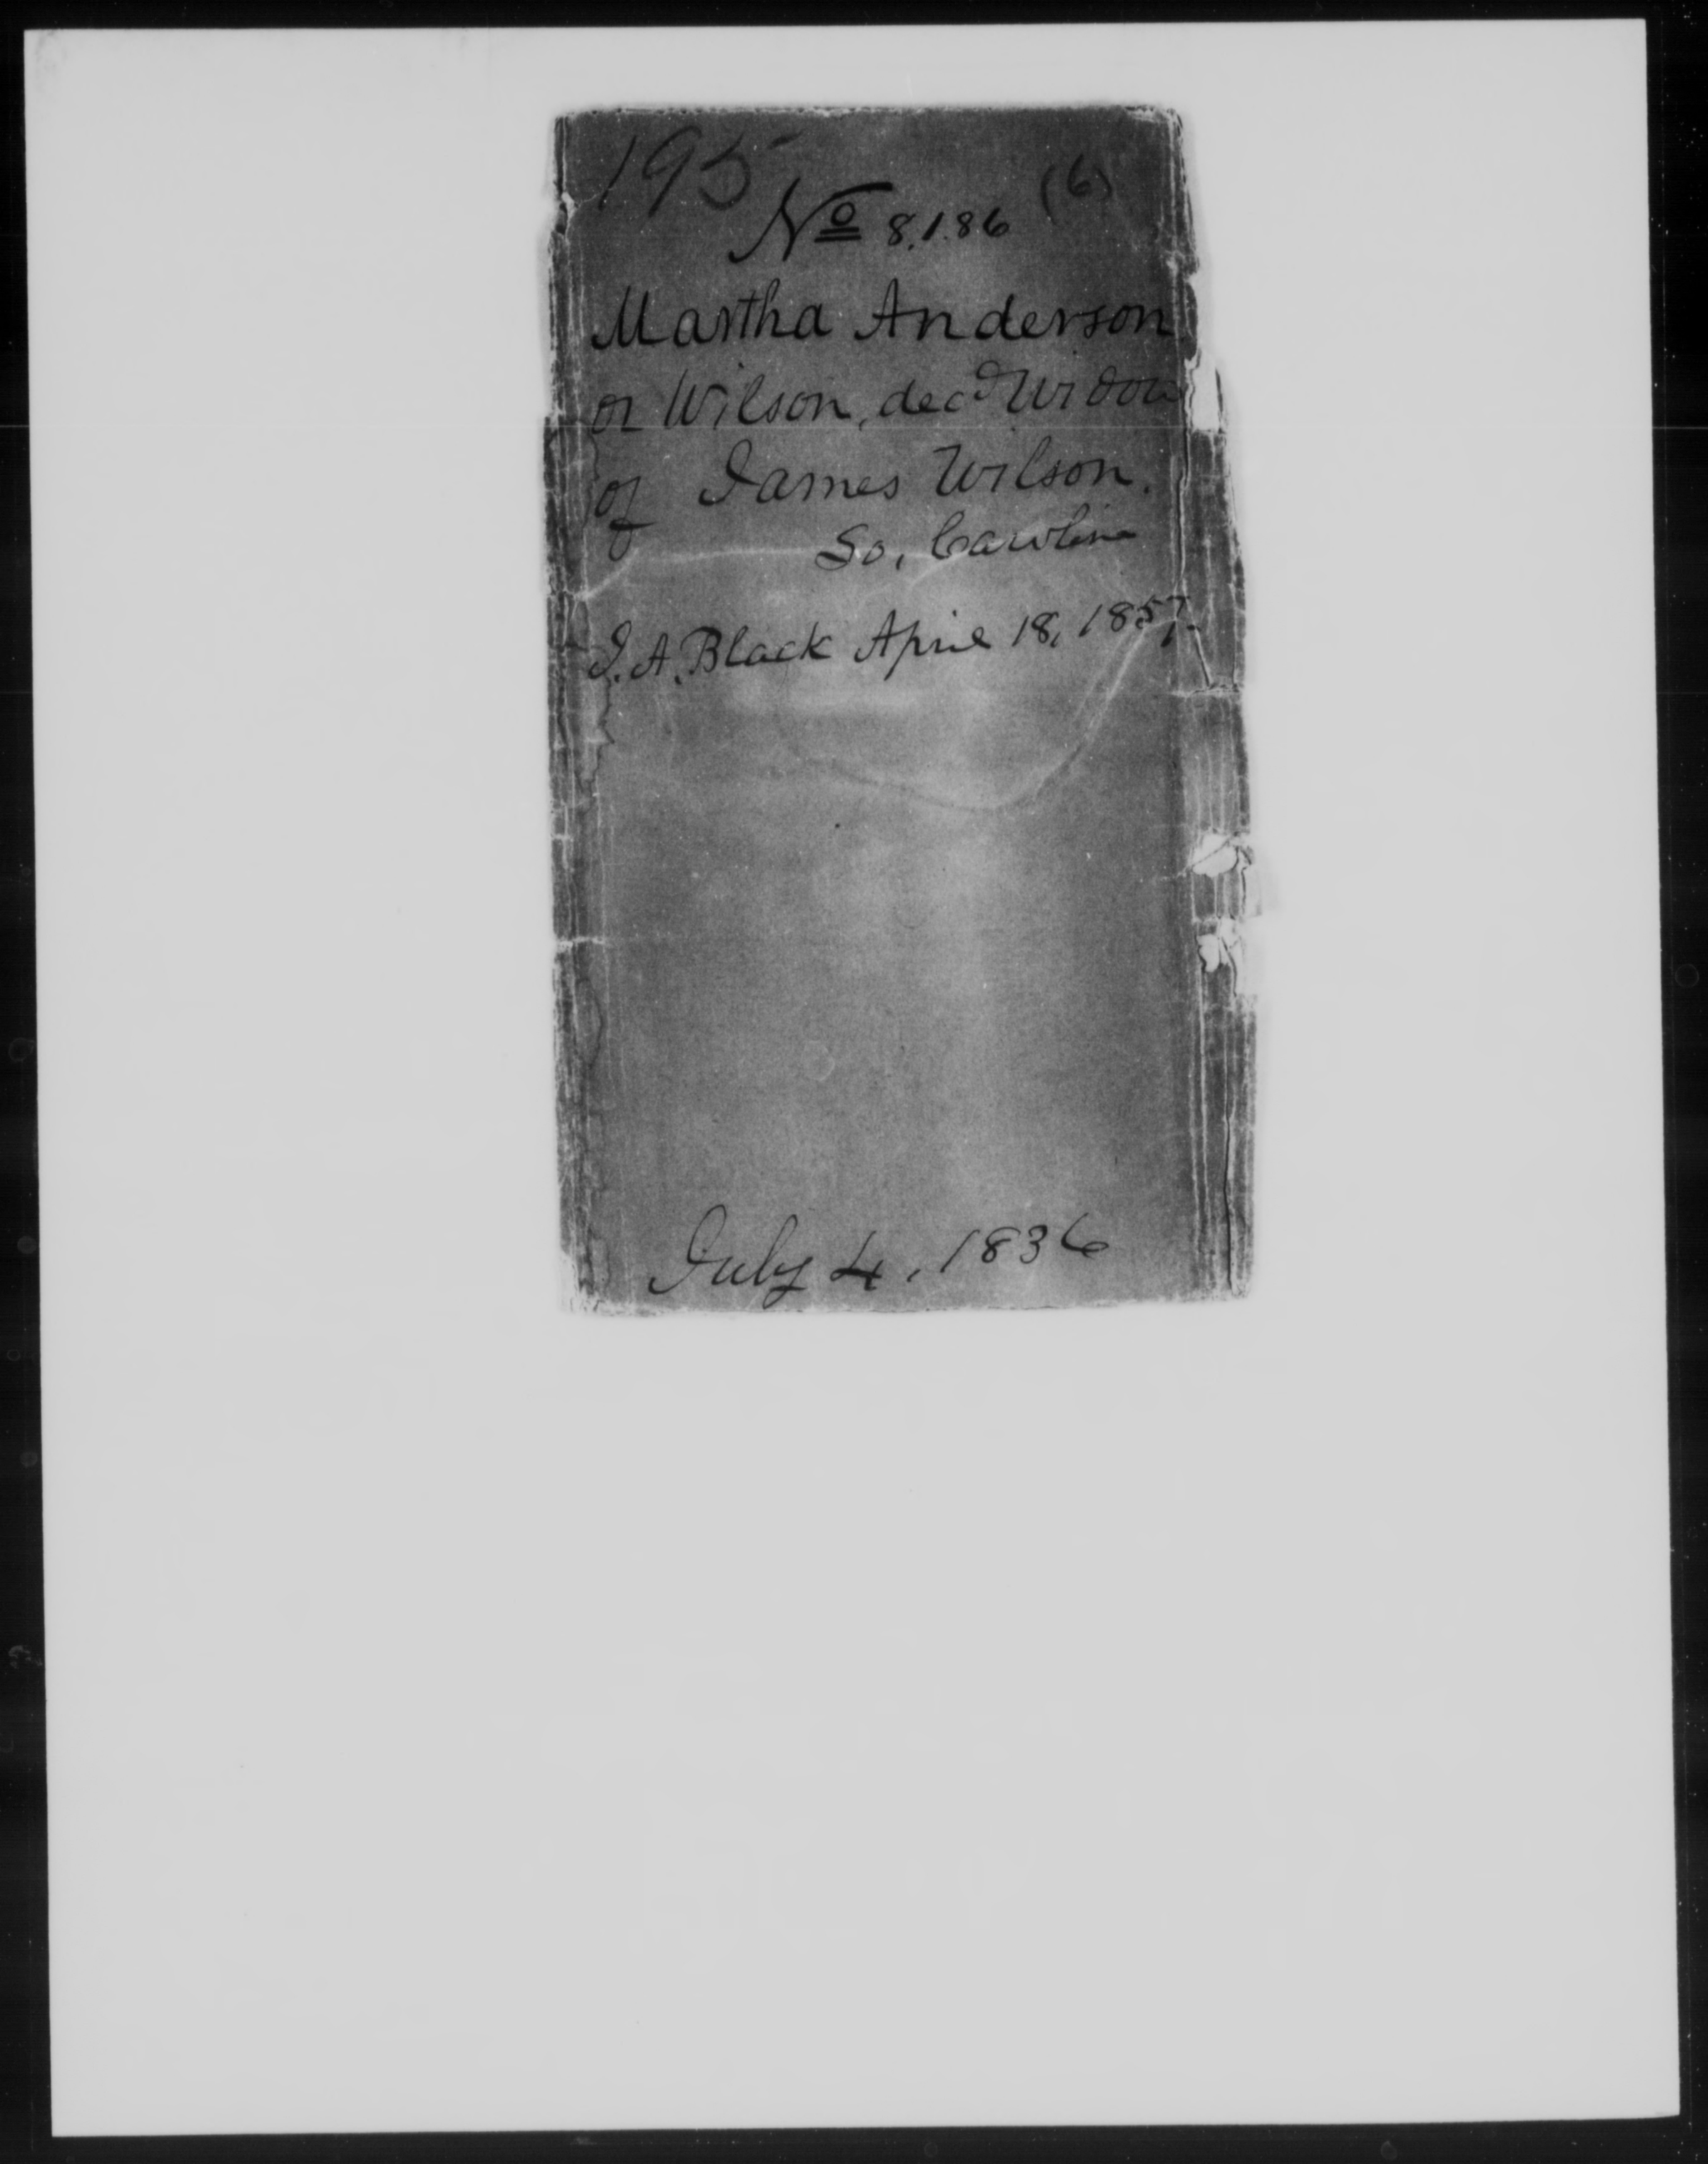195
(6)
No. 8186
Martha Anderson
or Wilson, decd widow
of James Wilson
So. Carolina
J. A. Black  April 18, 1857
July 4, 1836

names: James Wilson, Martha Wilson, Martha Anderson, J A Black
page: 12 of 18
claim: rejected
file: R. 195, James Wilson, S. C.